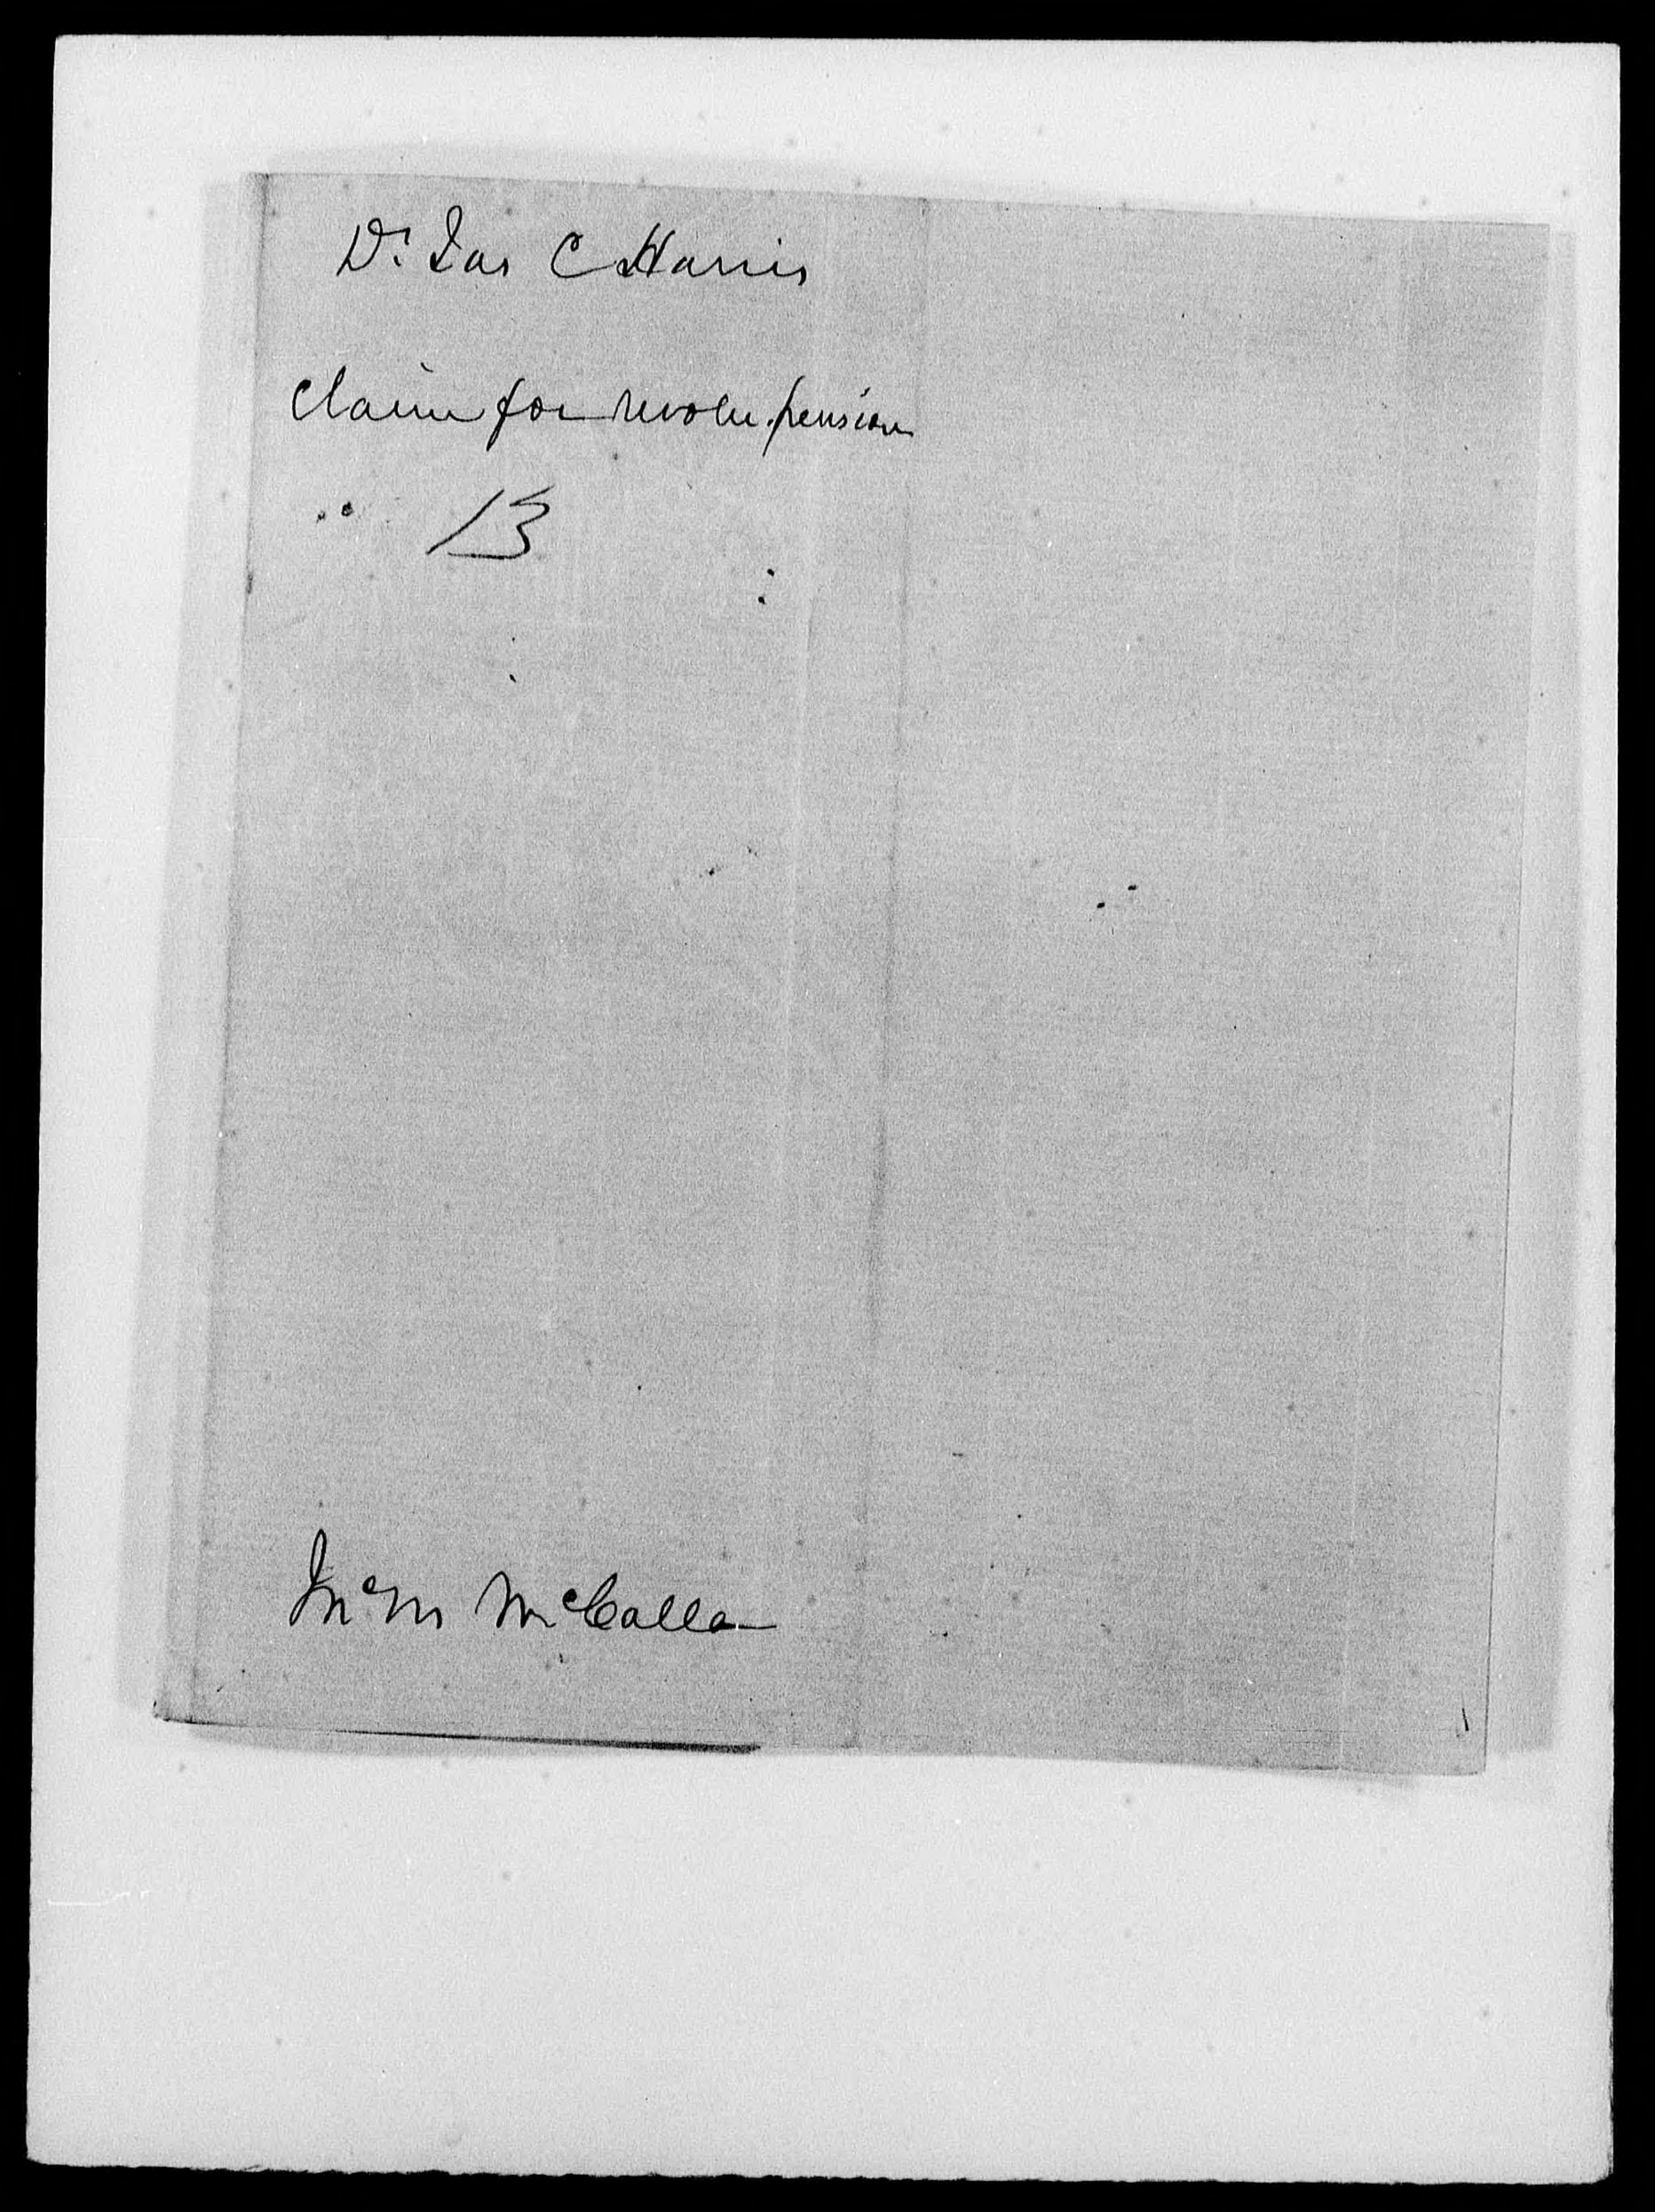Dr Jas C Harris
Claim for Revolu pension
13

Jn M McCalla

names: Jno M Mc Calla, Jas C Harris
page: 14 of 160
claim: rejected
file: R. 4666, James Harris, Va.